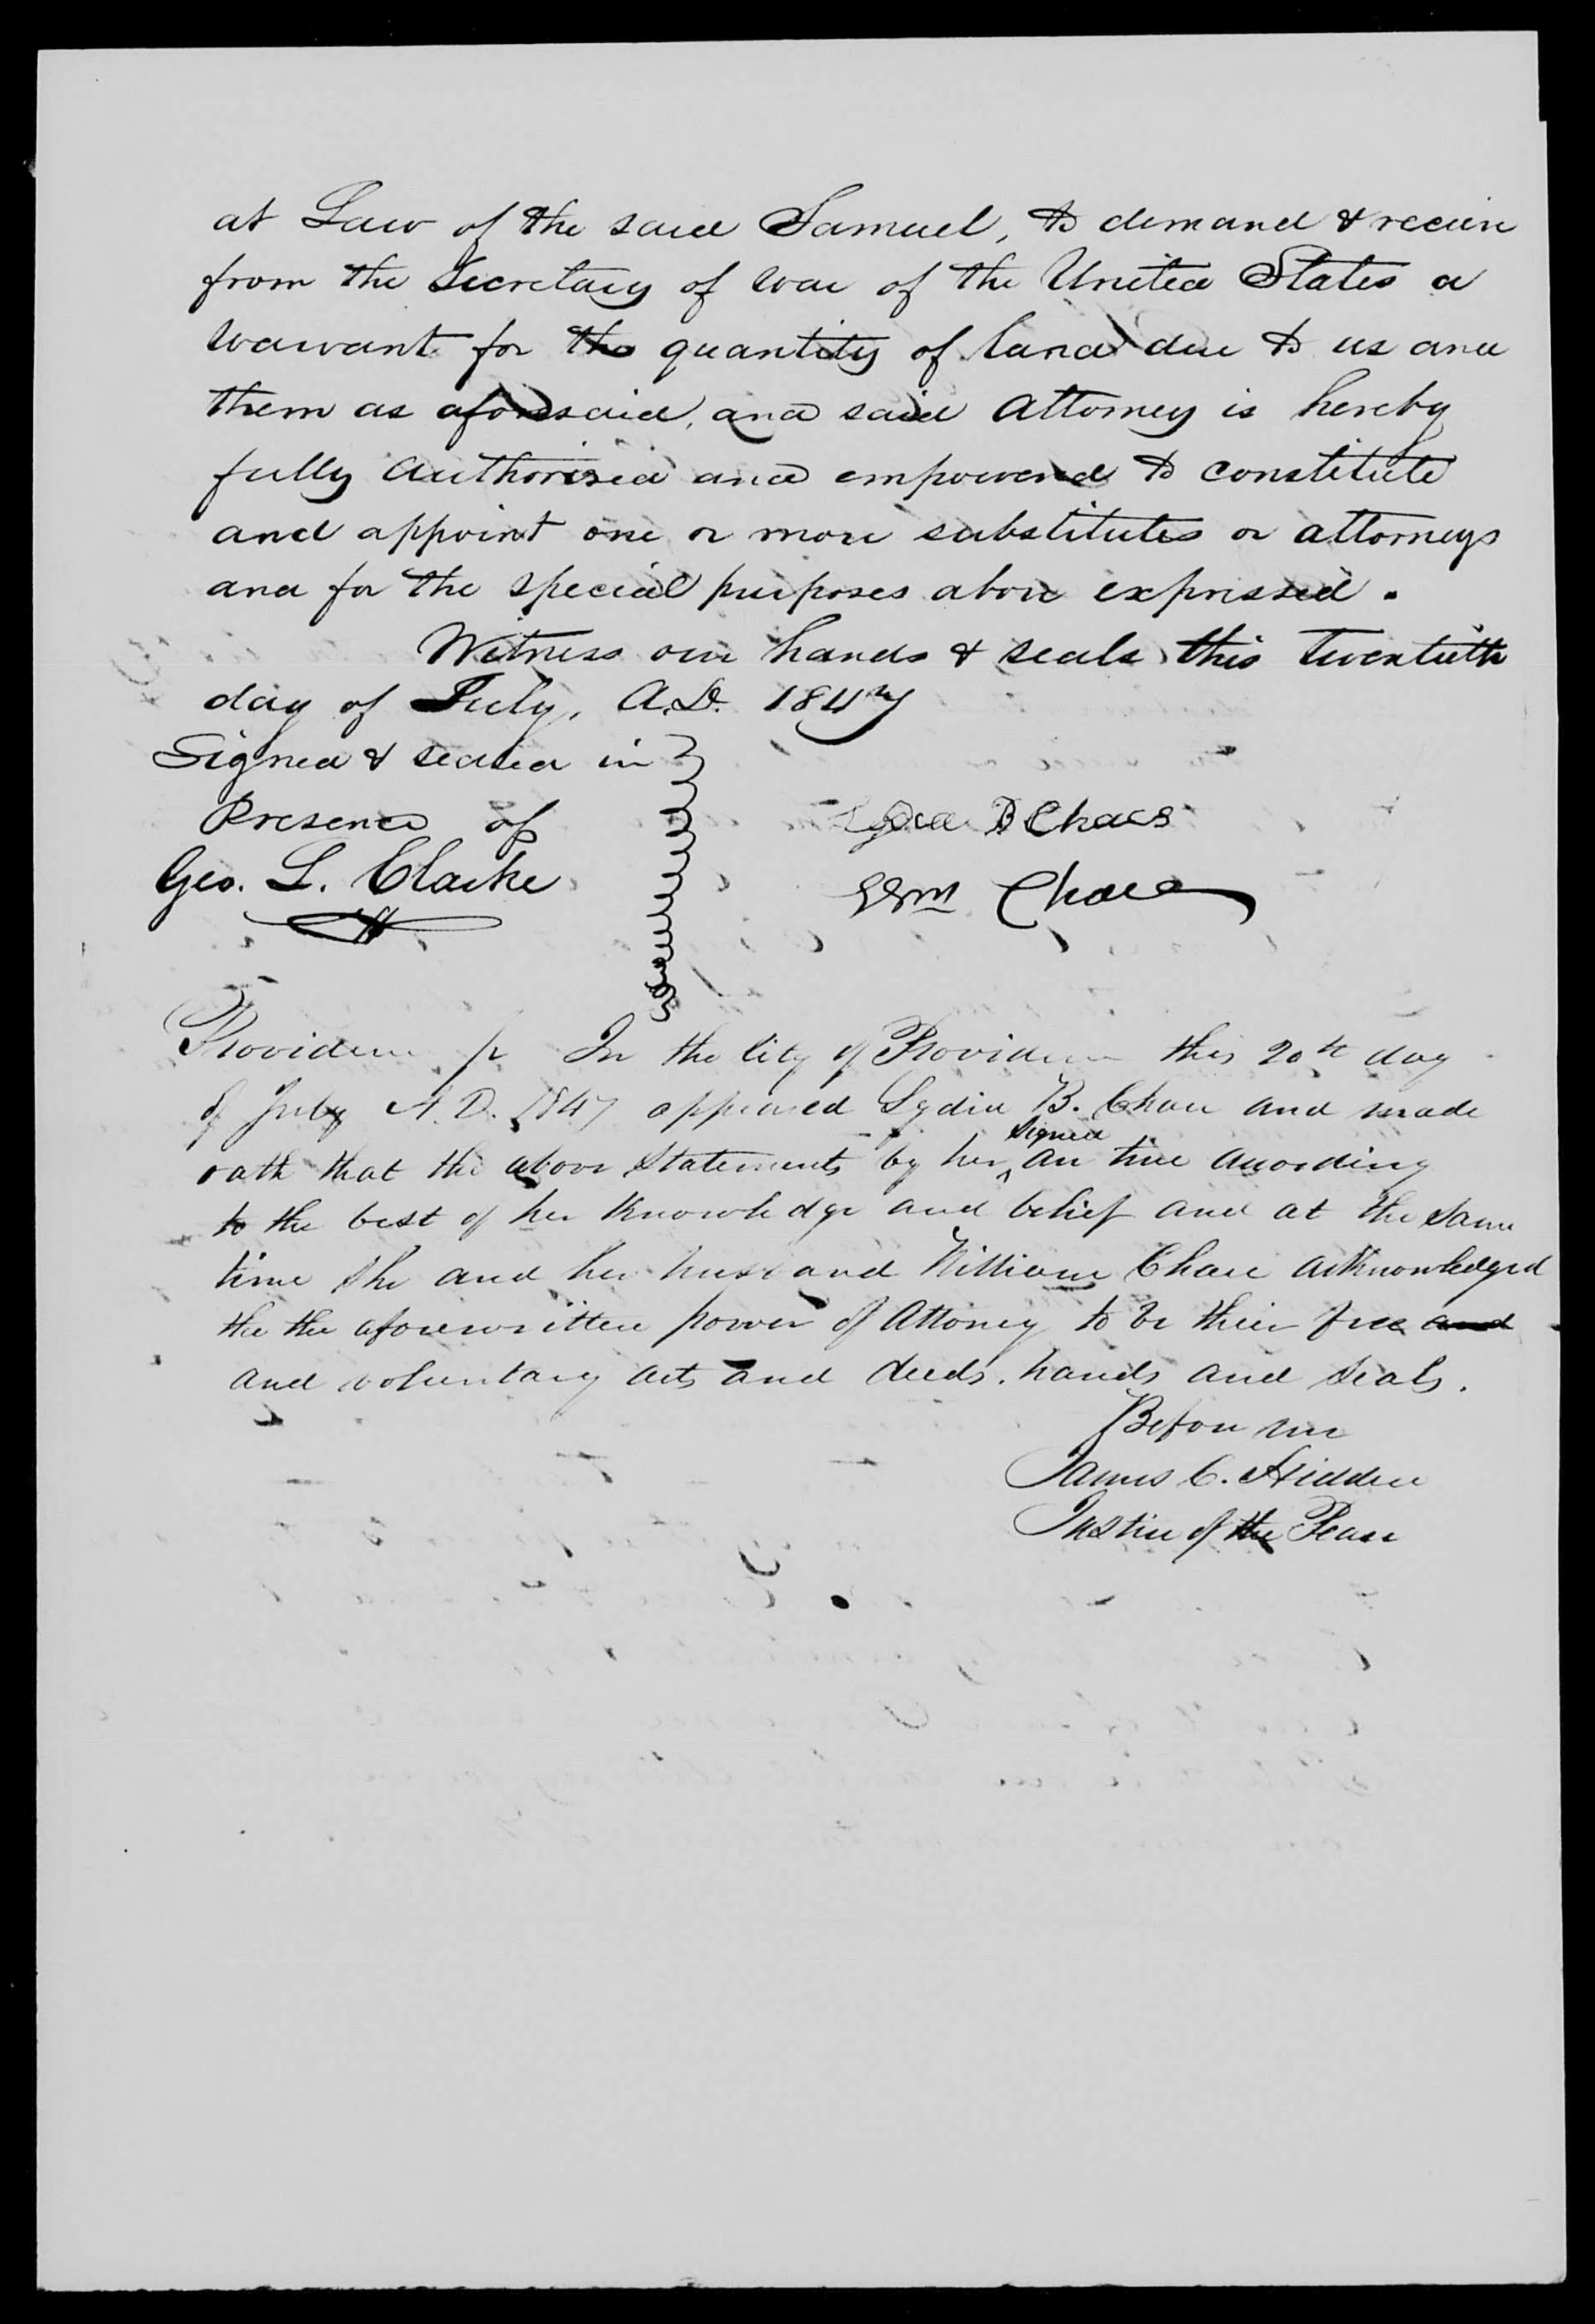as Law of the said Samuel, to demand & receive
from the Secretary of war of the United States a
warrant for the quantity of land due to us and
them as aforesaid and said attorney is hereby
fully authorized and empowered to constitute
and appoint one or more substitutes or attorneys
and for the special purposes above expressed.

Witness our hands & seals this twentieth
day of July, A.D. 1847

Lydia B. Chace
Wm Chace

Signed & sealed in presence of
Geo. L. Clarke

Providence In the City of Providence this 20th day
of July A.D. 1847 appeared Lydia B. Chace and made oath that the above statements by her [illegible] are true according to
the best of her knowledge and belief and at the same time she and her husband William Chase acknowledged the the aforewritten power of Attorney to be their free and voluntary act and deeds hands and seals
Before me
James C. Hidden
Justice of the Peace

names: Lydia B Chace, Lydia B Chace, Geo L Clarke, James C Hidden, William Chace, Samuel, Wm Chace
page: 4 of 31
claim: widow's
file: W 21004, Samuel Drown, R.I.